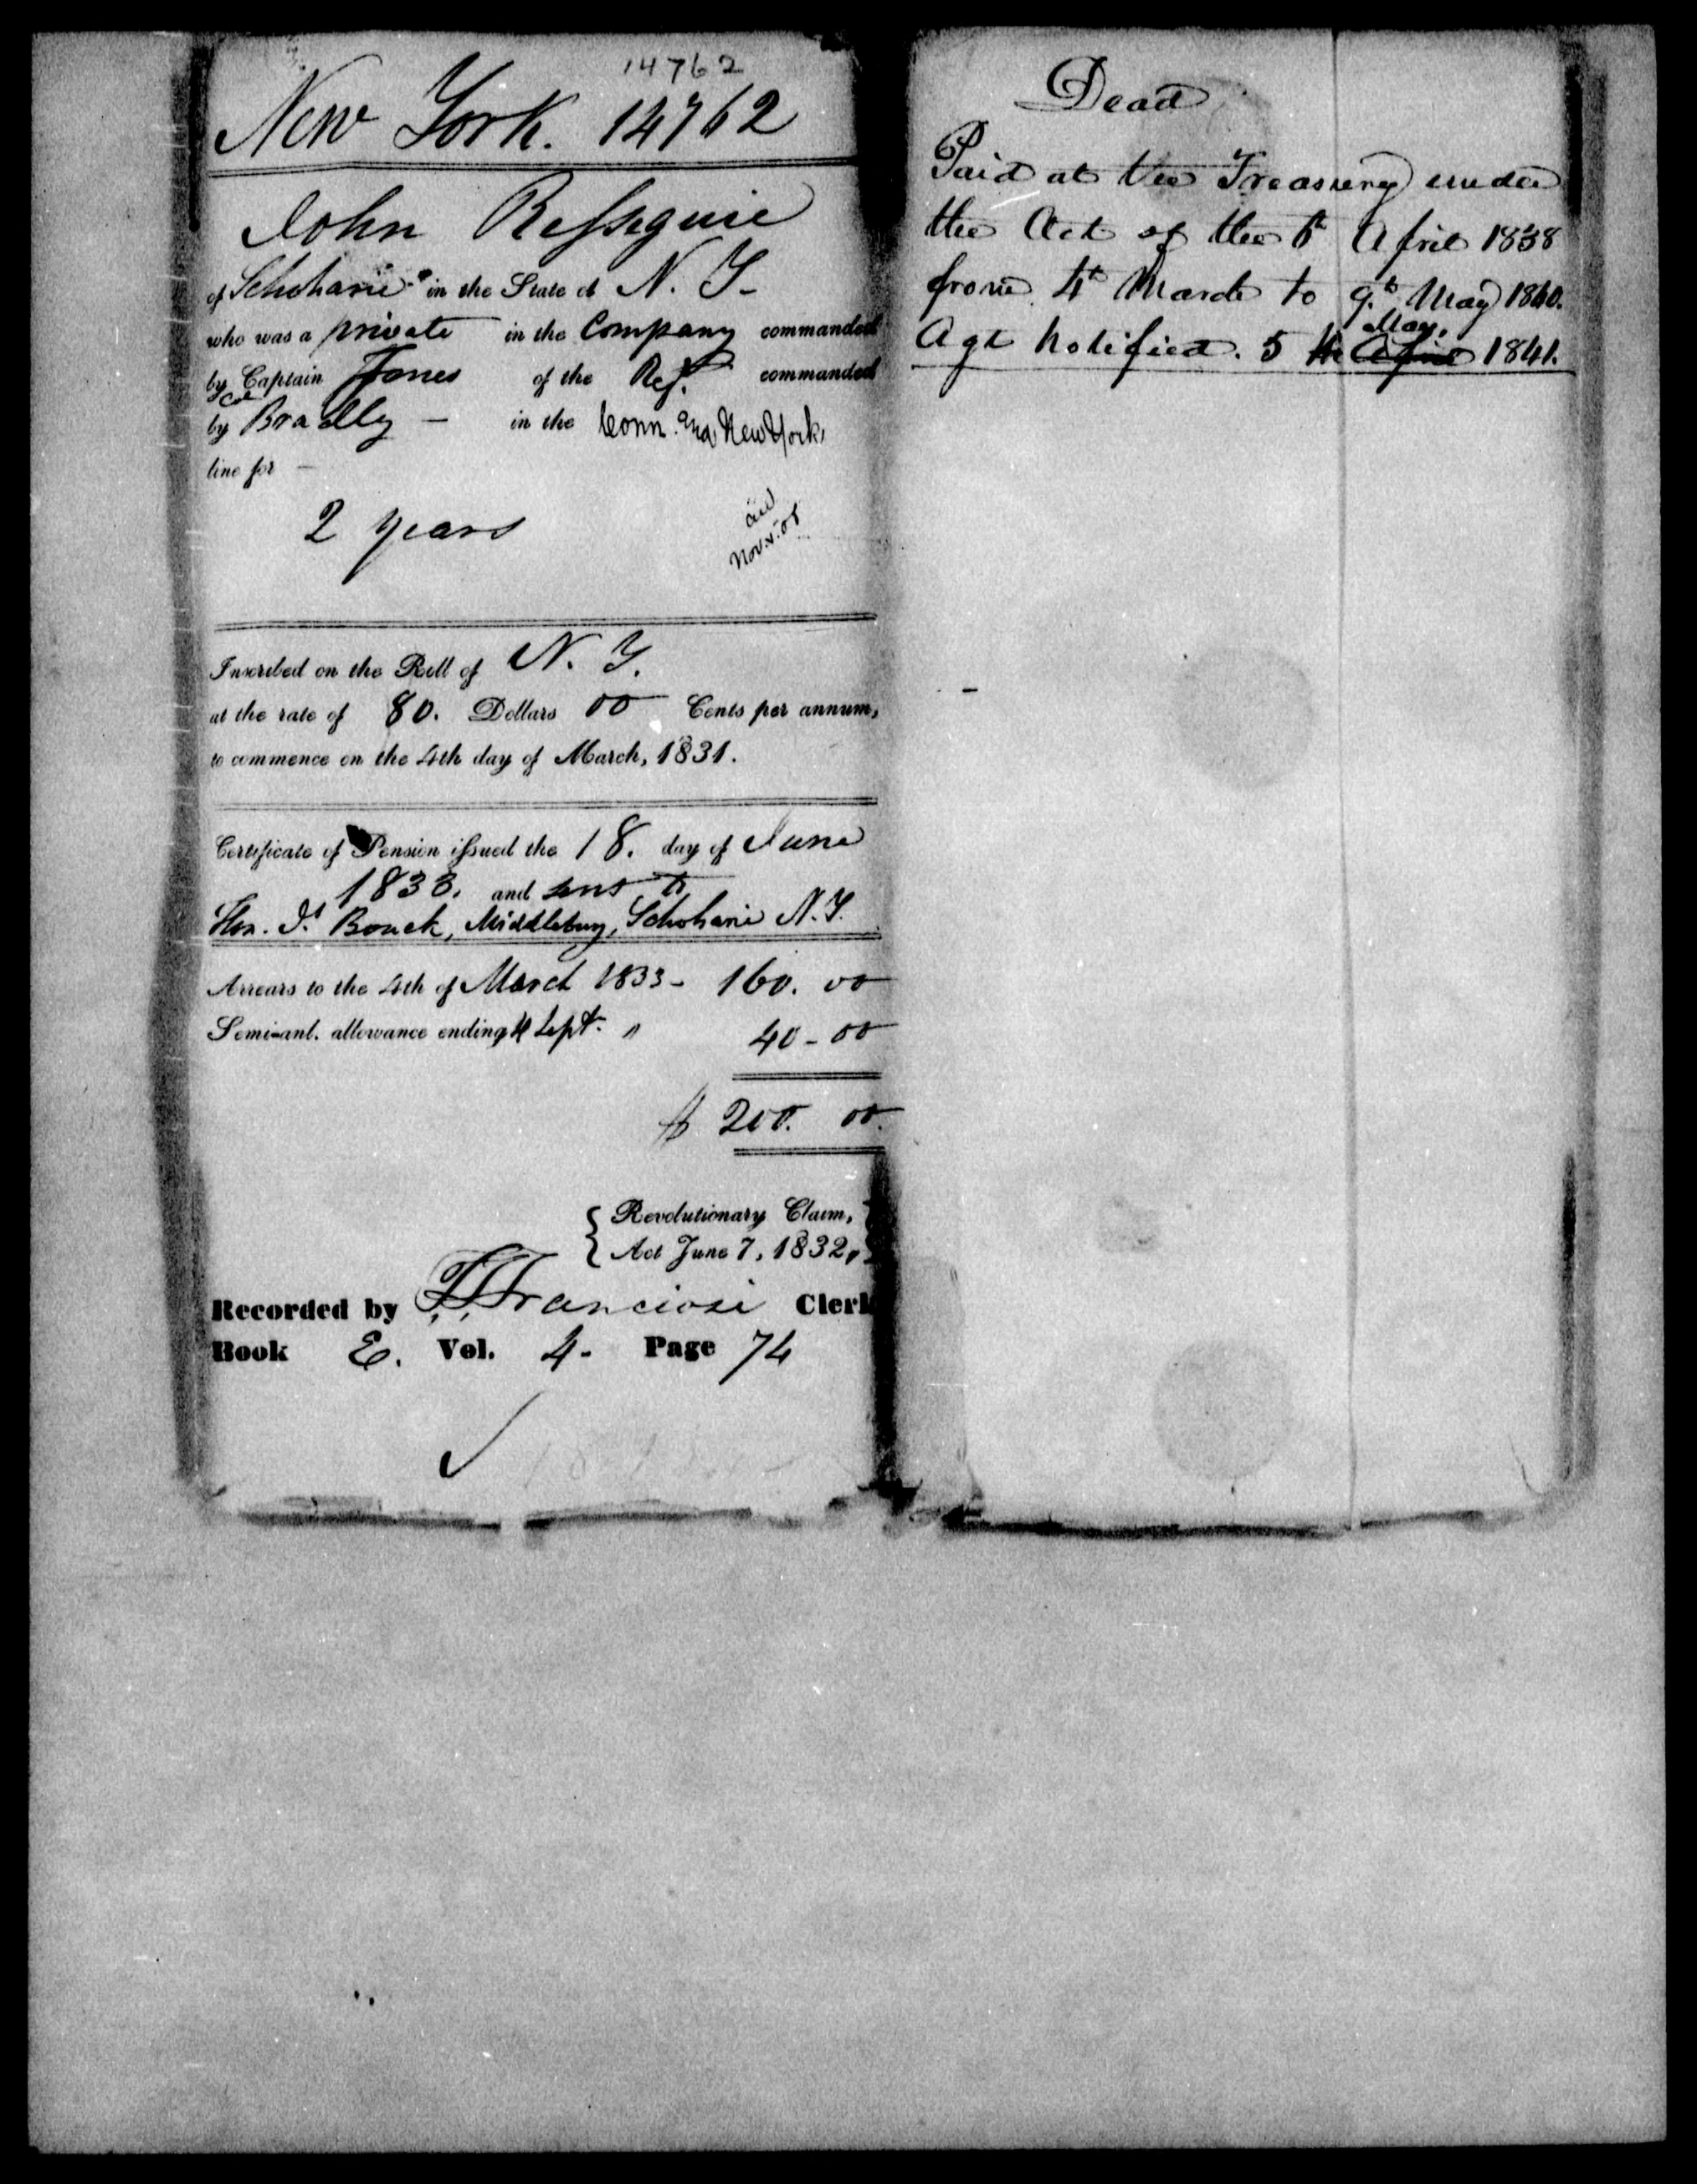14762 
New York.   14762 

John Resseguie of Schoharie in the State of N.Y. who was a private in the company commanded by Captain Jones of the Reg. commanded by Bradley - in the Conn. and New York, line for - 2 years 

Inscribed on the Roll of N.Y at the rate of 80. Dollars 00 Cents per annum, to commence on the 4th day of March, 1831. 

Certificate of Pension issued the 18. day of June 1833. and sent to Hon. I. Bouck, Middlebury, Schoharie N.Y. 

Arrears to the 4th of March 1833 | 160.00
Semi-anl. allowance ending 4 Sept  "  | 40.00
[TOTAL] $200.00

Revolutionary Claim,
Act June 7, 1832 
Recorded by F.F. Franciosi, Clerk 
Book E.  Vol. 4  Page 74 

[CHECKMARK]

Dead 
Paid at the Treasury under the act of the 6th April 1838 from 4th March to 9th May 1860. Agt notified 5 May 1841.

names: [BLANK] Bradly; Js Bouck; [BLANK] Jones; John Resseguie; F F Franciosi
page: 2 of 29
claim: survivor's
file: S. 14,268, for John Resseguie, New York